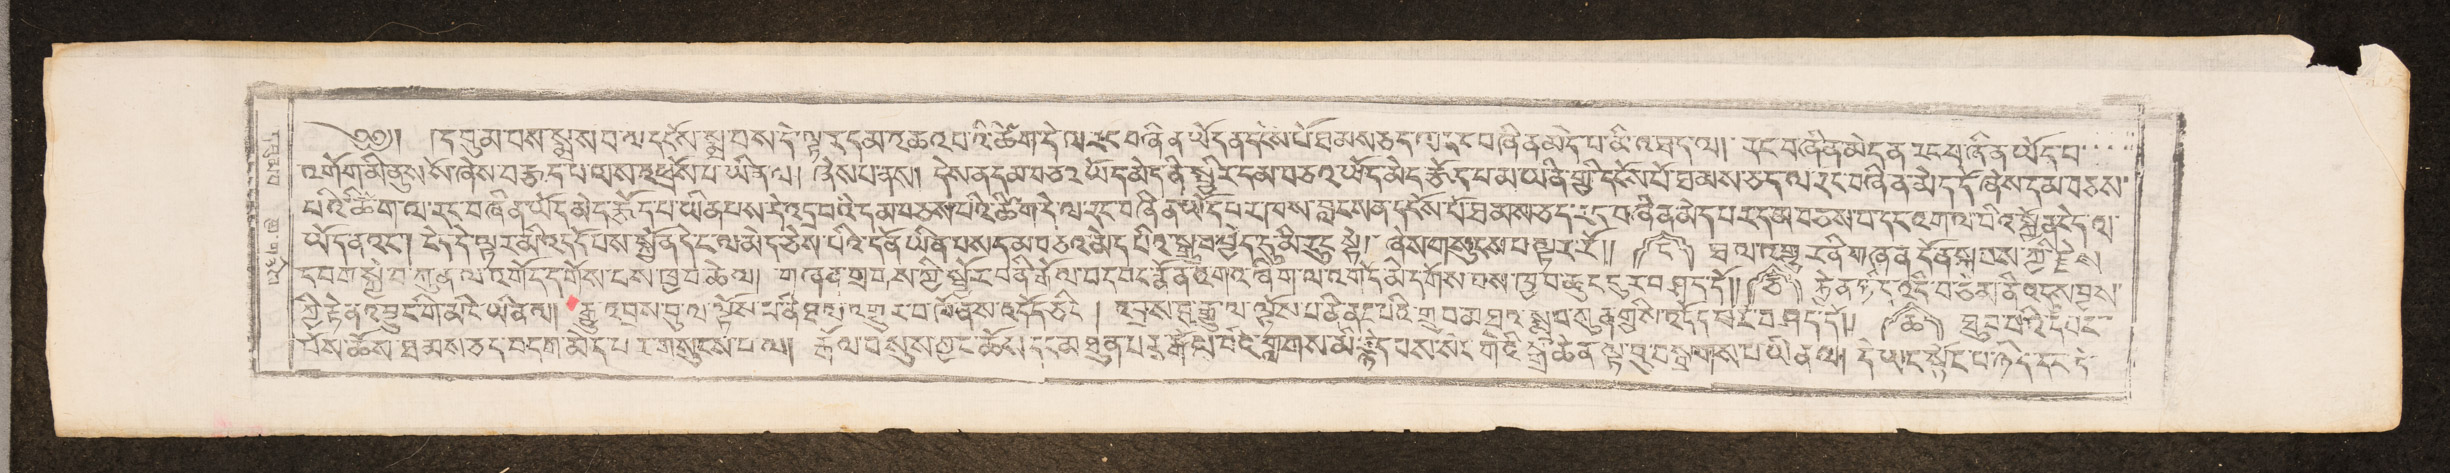༄༅། །དབུ་མ་པས་སྨྲས་པོ་ལ་དངོས་སྨྲ་བས་དེ་ལྟར་དམ་འཆའ་བའི་ཚིག་དེ་ལ་རང་བཞིན་ཡོད་ན་དངོས་པོ་ཐམས་ཅད་ལ་རང་བཞིན་མེད་པ་མི་འཐད་ལ། རང་བཞིན་མེད་ན་རང་བཞིན་ཡོད་པ་
འགོག་མི་ནུས་སོ་ཞེས་བརྩད་པ་ལས་འཕྲོས་པ་ཡིན་ལ། ཞེས་པ་ནས། དེས་ན་དམ་བཅའ་ཡོད་མེད་ནི་སྤྱིར་དམ་བཅའ་ཡོད་མེད་རྩོད་པ་མ་ཡིན་གྱི་དངོས་པོ་ཐམས་ཅད་ལ་རང་བཞིན་མེད་དོ་ཞེས་དམ་བཅས་
པའི་ཚིག་ལ་རང་བཞིན་ཡོད་མེད་རྩོད་པ་ཡིན་པས་དེ་འདྲ་བའི་དམ་བཅས་པའི་ཚིག་དེ་ལ་རང་བཞིན་ཡོད་པར་ཁས་བླངས་ན་དངོས་པོ་ཐམས་ཅད་རང་བཞིན་མེད་པར་དམ་བཅས་པ་དང་འགལ་བའི་སྐྱོན་དེ་ལ་
ཡོད་ན་འང་། ངེད་དེ་ལྟར་མི་འདོད་པས་སྐྱོན་དེ་ང་ལ་མེད་ཅེས་པའི་དོན་ཡིན་པས་དམ་བཅའ་མེད་པའི་སྒྲུབ་པ་བྱེད་དུ་མི་རུང་སྟེ། ཞེས་གསུངས་པ་ལྟར་རོ།། ༼༽ང༼༽ ཐལ་འགྱུར་ནི་གཞན་དོན་སྐབས་ཀྱི་རྗེས་
དཔག་སྐྱེ་བ་ཀུན་ལ་འགོད་དགོས་པས་ཁྱབ་ཆེ་ལ། གཞན་གྲགས་ཀྱི་སྦྱོར་བ་ནི་རྒོལ་བ་དབང་རྣོན་འགའ་ཞིག་ལ་འགོད་མི་དགོས་པས་ཁྱབ་ཆུང་ངུར་བཤད་དོ།། ༼༽ཅ༼༽ རྐྱེན་ཉིད་འདི་བ་ཙམ་ནི་འདུས་བྱས་
ཀྱི་རྟེན་འབྱུང་གི་མིང་ཡིན་ལ། རྒྱུ་འབྲས་བུ་ལ་ལྟོས་པ་ནི་ཐལ་འགྱུར་བ་ཁོ་ནས་འདོད་ཅིང་། འབྲས་བུ་རྒྱུ་ལ་ལྟོས་པ་ནི་ནང་པའི་གྲུབ་མཐའ་སྨྲབ་ཀུན་གྱིས་འདོད་པར་བཤད་དོ།། ༼༽ཆ༼༽ ཐུབ་པའི་དབང་
པོས་ཆོས་ཐམས་ཅད་བདག་མེད་པར་གསུངས་པ་ལ། རྒོལ་བ་སུས་ཀྱང་ཆོས་དང་མཐུན་པར་རྒོལ་བའི་གླགས་མི་རྙེད་པས་སེང་གེའི་སྒྲ་ཆེན་ལྟ་བུ་བསྒྲགས་པ་ཡིན་ལ། དེ་ཡང་སྟོང་པ་ཉིད་དང་དེ་